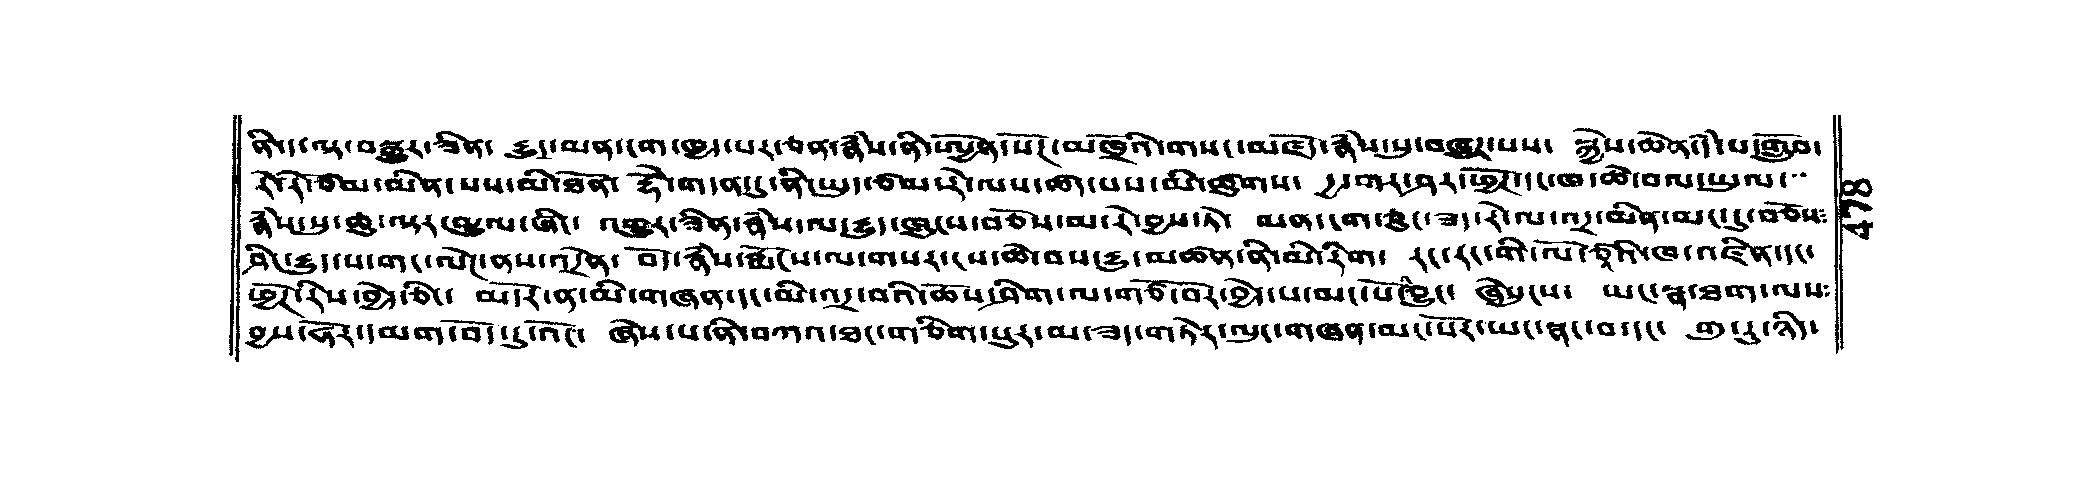ནི་ད་ལྟ་བསྒྱུར་ཟིན། རྒྱུད་མན་ངག་ཁྱད་པར་ཅན་རྣམས་ནི་ཨོ་རྒྱན་སོགས་མཁའ་འགྲོའི་གསང་མཛོད་རྣམས་སུ་བཞུགས་པས། སྐྱེས་ཆེན་དམ་པ་གྲུབ་ཐོབ་
རེ་རེ་ཙམ་མིན་པས་མི་ཐོན། རྡོ་རྗེ་གདན་དུ་ནི་ཡུད་ཙམ་རེ་ལས་ཚད་པས་མི་ཚུགས། རྒྱ་གར་ཤར་ཕྱོགས་དང་ཁ་ཆེ་བལ་ཡུལ་
རྣམས་སུ་ཆུ་ལྟར་མྱུལ་ཞིང་།བསྒྱུར་ཟིན་རྣམས་ལ་རྒྱུད་ཁུངས་བཅོས་མ་རེ་བྱས་ཏེ། མན་ངག་ཅུང་ཟད་རེ་ལ་འདྲ་མིན་མང་དུ་བཅོས་
ཤིང་རྒྱུད་པ་གང་ལེགས་ནས་འདྲེན། བོད་རྣམས་རྨོངས་ལ་གསར་ངས་ཆེ་བས་རྒྱུ་མཚན་ནི་མི་རིག རང་རང་གི་ལོ་ཙཱའི་ཁ་འཛིན་དང་
ཕྱོགས་རིས་བྱེད་ཅིང་། མདོར་ན་མི་གཞན་དང་མི་འདྲ་བའི་ཆོས་ཤིག་ལ་གཙོ་བོར་བྱེད་པ་མང་པོ་འབྱུང་། ཞེས་གསུངས། ཡང་། སྣ་ཐག་ལས་
བྱས་ཧོར་དམག་བོད་དུ་འོང་། ཞེས་པ་ནི་བཀའ་ཐང་གཅིག་པུར་མ་ཟད་གཏེར་ལུང་གཞན་མང་པོར་ཡང་སྣང་བ་དང་། གུ་རུ་ཉིད་